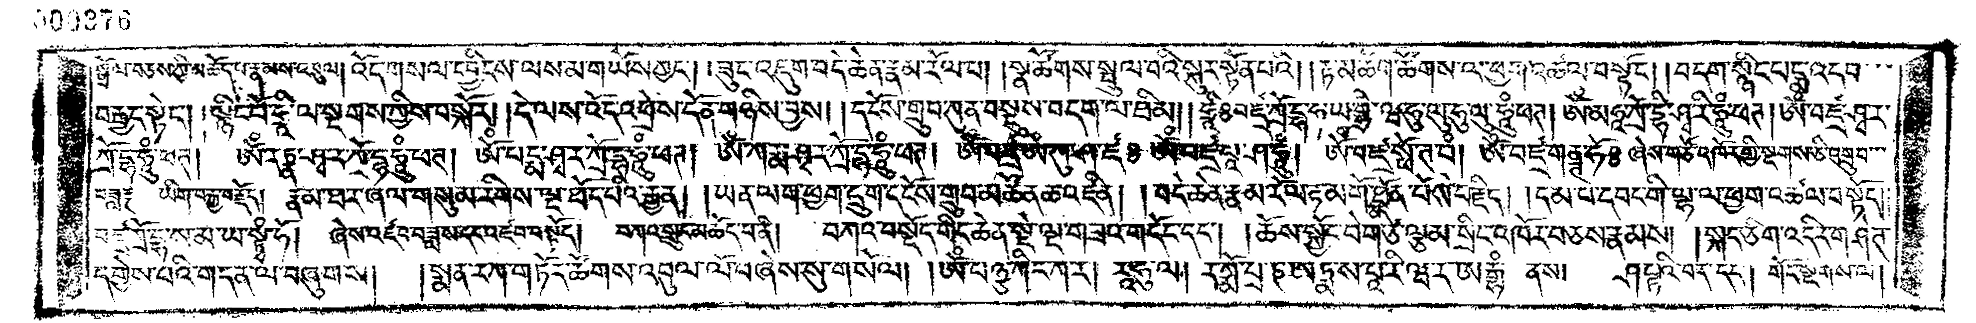སྒྲོལ་བཅས་ཀྱི་མཆོད་པ་རྣམས་འབུལ། འོད་གསལ་དབྱིངས་ལས་མ་གཡོས་ཀྱང་། །ཟུང་འཇུག་བདེ་ཆེན་རྣམ་རོལ་པ། །སྣ་ཚོགས་སྤྲུལ་བའི་སྐུར་སྟོན་པའི། །རྟ་མཆོག་ཚོགས་ལ་ཕྱག་འཚལ་བསྟོད། །བདག་སྙིང་པདམ་འདབ་
བརྒྱད་སྟེང་། །སྙིང་པོ་ཧྲཱི་ལ་སྔགས་ཀྱིས་བསྐོར། །དེ་ལས་འོད་འཕྲོས་དོན་གཉིས་བྱས། །དངོས་གྲུབ་ཀུན་བསྡུས་བདག་ལ་ཐིམ། །ཧྲཱིཿ བཛྲ་ཀྲོ་དྷ་ཧ་ཡ་གྷྲི་ཝ་ཧུ་ལུ་ཧུ་ལུ་ཧཱུཾ་ཕཊ། ཨོཾ་མཧཱ་ཀྲོ་དྷི་ཤྭ་རི་ཧཱུཾ་ཕཊ། ཨོཾ་བཛྲ་ཤྭ་ར་
ཀྲོ་དྷ་ཧཱུཾ་ཕཊ། ཨོཾ་རཏྣ་ཤྭ་ར་ཀྲོ་དྷ་ཧཱུཾ་ཕཊ། ཨོཾ་པདམ་ཤྭ་ར་ཀྲོ་དྷ་ཧཱུཾ་ཕཊ། ཨོཾ་ཀརྨ་ཤྭ་ར་ཀྲོ་དྷ་ཧཱུཾ་ཕཊ། ཨོཾ་བཛྲ་ཨཾ་ཀུ་ཤ་ཛཿ ཨོཾ་བཛྲ་པཱ་ཤ་ཧཱུཾ། ཨོཾ་བཛྲ་སྥོ་ཊ་བཾ། ཨོཾ་བཛྲ་གནྚ་ཧོཿ ཞེས་གཙོ་འཁོར་གྱི་སྔགས་ཅི་འགྲུབ་
བཟླ༑ ཡིག་བརྒྱ་བརྗོད། རྣམ་ཐར་ཞལ་གསུམ་རིགས་ལྔ་ཐོད་པའི་རྒྱན། །ཡན་ལག་ཕྱག་དྲུག་དངོས་གྲུབ་མཚོན་ཆ་འཛིན། །བདེ་ཆེན་རྣམ་རོལ་རྟ་མགོ་མ?་ཐོན་པོས་བརྗིད། །དམ་པ་དབང་གི་ལྷ་ལ་ཕྱག་འཚལ་བསྟོད།
བཛྲ་ཀྲོ་དྷ་ས་མ་ཡ་སྟྭཾ་ཧོ། ཞེས་འཛབ་བཟླས་དང་འཛབ་བསྟོད། བཀའ་སྲུང་མཆོད་པ་ནི།  བཀའ་བསྡོད་གིང་ཆེན་སྡེ་ལྔ་གཟའ་གདོང་དང་། །ཆོས་སྐྱོང་བེག་ཙེ་ལྕམ་སྲིང་འཁོར་བཅས་རྣམས། །སྐད་ཅིག་འདིར་གཤེགས་
དགྱེས་པའི་གདན་ལ་བཞུགས། །སྨན་རཀ་གཏོར་ཚོགས་འབུལ་ལོ་བཞེས་སུ་གསོལ། །ཨོཾ་པཉྩ་ཀིང་ཀ་ར། རཱ་ཧུ་ལ། རཀྨོ་པྲ་ཎ་ཨཏྨ་ས་པཱ་རི་ཝ་ར་ཨརྒྷཾ་ནས།  ཤཔྟའི་བར་དང་། གོང་སྔགས་ལ།